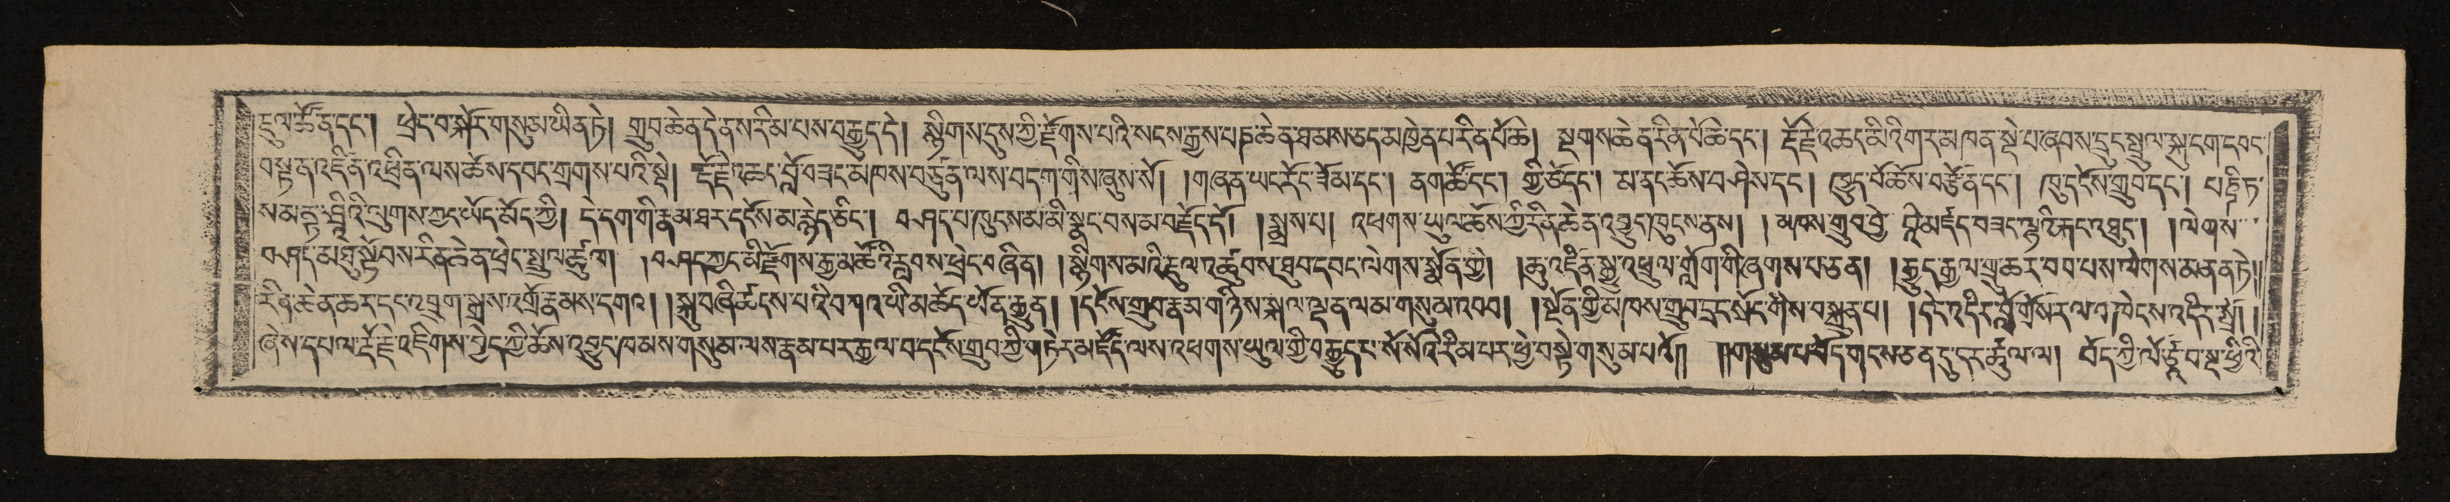རྡུལ་ཆེན་དང་། ཕྲེང་བསྐོར་གསུམ་ཡིན་ཏེ། གྲུབ་ཆེན་དེ་ནས་རིམ་པས་བརྒྱུད་དེ། སྙིགས་དུས་ཀྱི་རྫོགས་པའི་སངས་རྒྱས་པཎ་ཆེན་ཐམས་ཅད་མཁྱེན་པ་རིན་པོ་ཆེ། སྔགས་ཆེན་རིན་པོ་ཆེ་དང་། རྡོ་རྗེ་འཆང་མིའི་གར་མཁན་སྡེ་བ་ཞབས་དྲུང་སྤྲུལ་སྐུ་ངག་དབང་
བསྟན་འཛིན་འཕྲིན་ལས་ཆོས་དབང་གྲགས་པའི་སྡེ། རྡོ་རྗེ་འཆང་བློ་བཟང་མཁས་བཙུན་ལས་འདག་གིས་ཞུས་སོ། །གཞན་ཡང་རོང་ཟོམ་དང་། ནག་ཚོ་དང་། གྱི་ཙེ་དང་། མ་ནང་ཆོས་བཤེས་དང་། ཁྱུང་པོ་ཆོས་བརྩོན་དང་། ཁུ་དངོས་གྲུབ་དང་། པཎྜིཏ་
ས་མནྟ་ཤྲཱིའི་ལུགས་ཀྱང་ཡོད་མོད་ཀྱི། དེ་དག་གི་རྣམ་ཐར་དངོས་མ་རྙེད་ཅིང་། བཤད་པ་ཁུངས་མ་མི་སྣང་བས་མ་བརྗོད་དོ། །སྨྲས་པ། འཕགས་ཡུལ་ཆོས་ཀྱི་རིན་ཆེན་འབྱུང་ཁུངས་ནས། །མཁས་གྲུབ་བྱེ་བའི་མཛད་བཟང་ལྷའི་རྐང་འཐུང་། །ལེགས་
བཤད་མཐུ་སྟོབས་རིན་ཆེན་ཕྲེང་སྤྲུལ་ཚུལ། །བཤད་ཀྱང་མི་རྫོགས་རྒྱ་མཚོའི་རླབས་ཕྲེང་བཞིན། །སྙིགས་མའི་རྡུལ་འཚུབས་ཐུབ་དབང་ལེགས་སྨོན་གྱི། །ཆུ་འཛིན་སྒྱུ་འཕྲུལ་གློག་གི་ཞུགས་པ་ཅན། །རྒྱུད་རྒྱལ་གྲུ་ཆར་ཕབ་པས་ལེགས་མནན་ཏེ།
རིན་ཆེན་ཆར་དང་འབྲུག་སྒྲས་འགྲོ་རྣམས་དགའ། །སྐུ་བཞི་ཚངས་པའི་བཀའ་ཡི་མཆོད་ཡོན་རྒྱུན། །དངོས་གྲུབ་རྣམ་གཉིས་སྐལ་ལྡན་ལམ་གསུམ་འབབ། །སྔོན་གྱི་མཁས་གྲུབ་དྲང་སྲོང་གིས་བསྐྲུན་པ། །དེང་འདིར་བློ་གྲོས་རལ་བ་ཁེངས་འདིར་སྤྲོ། །
ཞེས་དཔལ་རྡོ་རྗེ་འཇིགས་བྱེད་ཀྱི་ཆོས་འབྱུང་ཁམས་གསུམ་ལས་རྣམ་པར་རྒྱལ་བ་དངོས་གྲུབ་ཀྱི་གཏོར་མཛོད་ལས་འཕགས་ཡུལ་གྱི་བརྒྱུད་པ་སོ་སོའི་རིམ་པར་ཕྱེ་བ་སྟེ་གསུམ་པའོ།། །།གསུམ་པ་བོད་གངས་ཅན་དུ་དར་ཚུལ་ལ། བོད་ཀྱི་ལོཙཱ་བ་སྔ་ཕྱིའི་